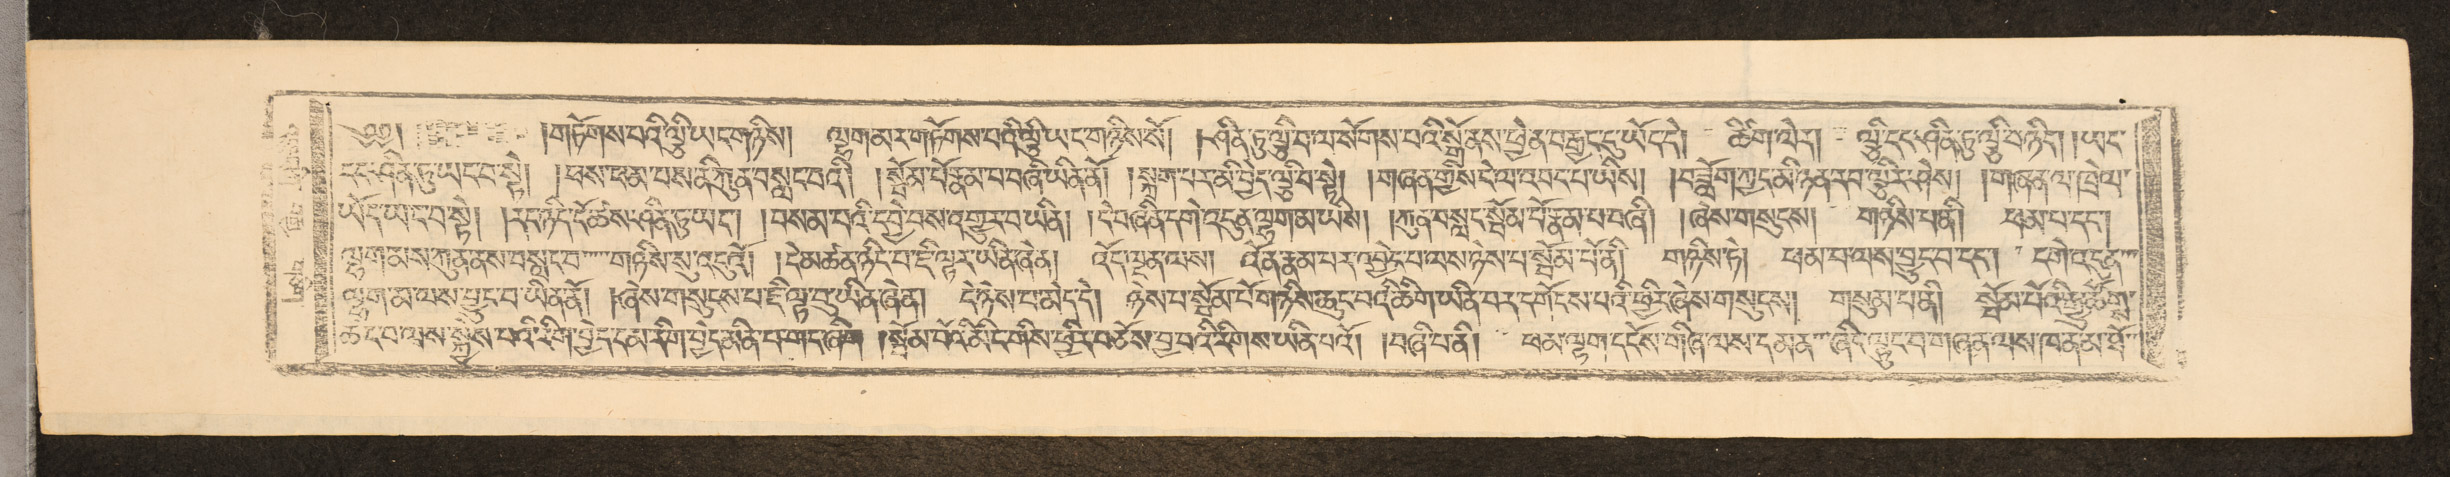༄༅། །གཏོགས་པའི་ལྕི་ཡང་གཉིས། ལྷག་མར་གཏོགས་པའི་ལྕི་ཡང་གཉིས་སོ། །ཤིན་ཏུ་ལྕི་བ་ལ་སོགས་པའི་སྒོ་ནས་ཕྱེན་བརྒྱད་དུ་ཡོད་དེ། ཚིག་ལེར། ལྕི་དང་ཤིན་ཏུ་ལྕི་བ་ཉིད། །ཡང་
དང་ཤིན་ཏུ་ཡང་བ་སྟེ། །ཕས་ཕམ་པས་ནི་ཀུན་བསླང་བའི། །སྤོམ་པོ་རྣམ་པ་བཞི་ཡིན་ནོ། །སྐྲག་པར་མི་བྱེད་ལྕི་བ་སྟེ། །གཞན་གྱིས་དེ་ལ་འབད་པ་ཡིས། །བཟློག་ཀྱང་མི་ཉན་རབ་ལྕིར་ཤེས། །གཞན་ལ་ཁྲེལ་
ཡོད་ཡང་བ་སྟེ། །རང་ཉིད་ངོ་ཚས་ཤིན་ཏུ་ཡང་། །བསམ་པའི་དབྱེ་བས་འགྱུར་བ་ཡིན། །དེ་བཞིན་དགེ་འདུན་ལྷག་མ་ཡིས། །ཀུན་བསླང་སྦོམ་པོ་རྣམ་པ་བཞི། །ཞེས་གསུངས། གཉིས་པ་ནི། ཕམ་པ་དང་།
ལྷག་མས་ཀུན་ནས་བསླང་བ་གཉིས་སུ་འདུའོ། །དེ་མཚན་ཉིད་པ་ཇི་ལྟར་ཡིན་ཞེ་ན། འོད་ལྡན་ལས། འོ་ན་རྣམ་པར་འབྱེད་པ་ལས་ཉེས་པ་སྦོམ་པོ་ནི། གཉིས་ཏེ། ཕམ་པ་ལས་བྱུང་བ་དང་། དགེ་འདུན་
ལྷག་མ་ལས་བྱུང་བ་ཡིན་ནོ། །ཞེས་གསུངས་པ་ཇི་ལྟ་བུ་ཡིན་ཞེ་ན། དེ་ཉེས་པ་མེད་དེ། ཉེས་པ་སྦོམ་པོ་གཉིས་ཆུང་བའི་ཚིག་ཡིན་པར་དགོངས་པའི་ཕྱིར་ཞེས་གསུངས། གསུམ་པ་ནི། སྦོམ་པོའི་རྒྱུ་ཚོགས་
ཚང་བ་ལས་སྐྱེས་པའི་རིག་བྱེད་དམ་རིག་བྱེད་མིན་པ་གང་ཞིག །སྦོམ་པོའི་མིང་གིས་ཕྱིར་བཅོས་བྱ་བའི་རིགས་ཡིན་པའོ། །བཞི་པ་ནི། ཕམ་ལྷག་དངོས་གཞི་ལས་དམན་ཞིང་ལྟུང་བ་གཞན་ལས་ཁ་ན་མ་ཐོ་